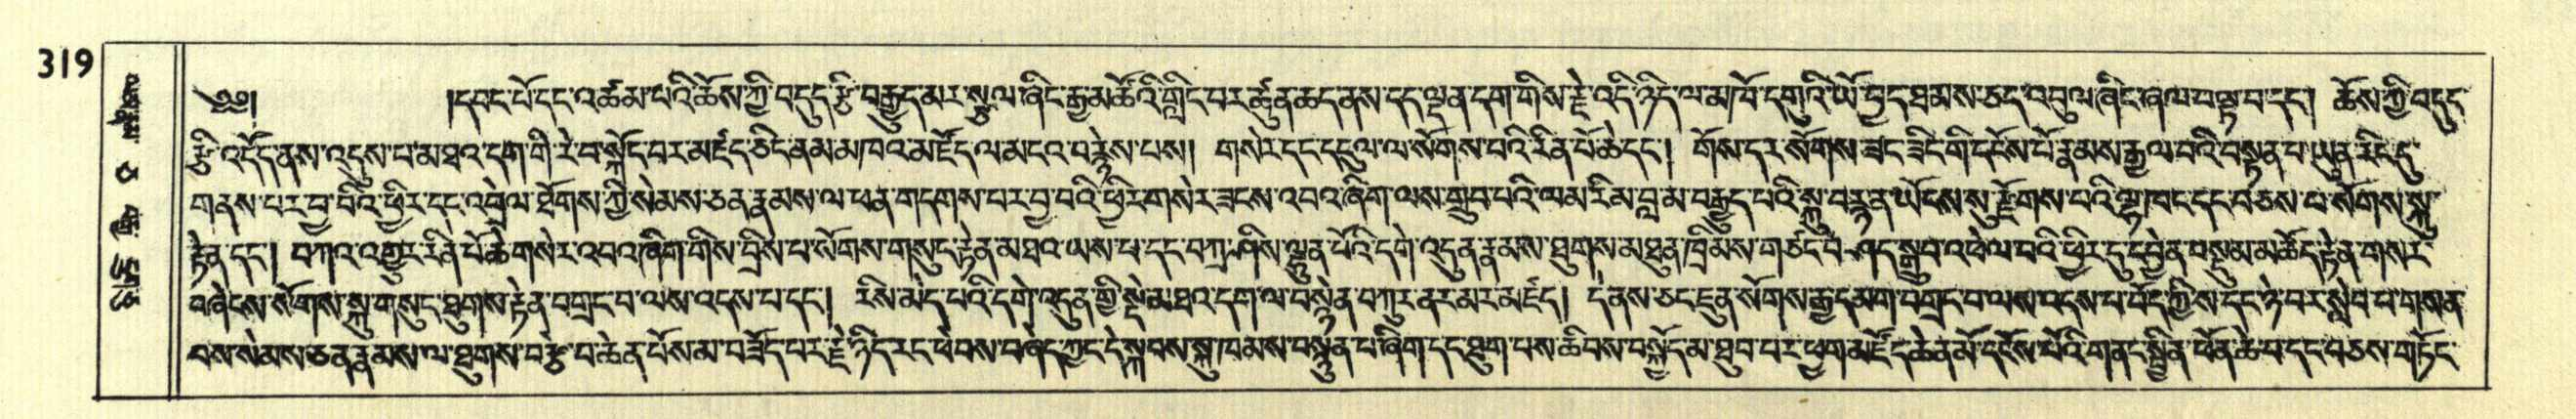༄༅། །དབང་པོ་དང་འཚམ་པའི་ཆོས་ཀྱི་བདུད་རྩི་བརྒྱུད་མར་སྩལ་ཞིང་རྒྱ་མཚོའི་གླིང་བར་ཚུན་ཆད་ནས་དད་ལྡན་དག་གིས་རྗེ་འདི་ཉིད་ལ་མཁོ་དགུའི་ཡོ་བྱད་ཐམས་ཅད་འབུལ་ཞིང་ཞལ་བལྟ་བ་དང་། ཆོས་ཀྱི་བདུད་
རྩི་འདོད་ནས་འདུས་པ་མཐའ་དག་གི་རེ་བ་སྐོང་བར་མཛད་ཅིང་ནམ་མཁའ་མཛོད་ལ་མངའ་བརྙེས་པས། གསེར་དང་དངུལ་ལ་སོགས་པའི་རིན་པོ་ཆེ་དང་། གོས་དར་སོགས་ཟང་ཟིང་གི་དངོས་པོ་རྣམས་རྒྱལ་བའི་བསྟན་པ་ཡུན་རིང་དུ་
གནས་པར་བྱ་བའི་ཕྱིར་དང་འབྲེལ་ཐོགས་ཀྱི་སེམས་ཅན་རྣམས་ལ་ཕན་གདགས་པར་བྱ་བའི་ཕྱིར་གསེར་ཟངས་འབའ་ཞིག་ལས་གྲུབ་པའི་ལམ་རིམ་བླ་མ་བརྒྱུད་པའི་སྐུ་བརྙན་ཡོངས་སུ་རྫོགས་པའི་ལྷ་ཁང་དང་བཅས་པ་སོགས་སྐུ་
རྟེན་དང་། བཀའ་འགྱུར་རིན་པོ་ཆེ་གསེར་འབའ་ཞིག་གིས་བྲིས་པ་སོགས་གསུང་རྟེན་མཐའ་ཡས་པ་དང་བཀྲ་ཤིས་ལྷུན་པོའི་དགེ་འདུན་རྣམས་ཐུགས་མཐུན་ཁྲིམས་གཙང་བཤད་སྒྲུབ་འཕེལ་བའི་ཕྱིར་དུ་དབྱེན་བསྡུམ་མཆོད་རྟེན་གསར་
བཞེངས་སོགས་སྐུ་གསུང་ཐུགས་རྟེན་བགྲང་བ་ལས་འདས་པ་དང་། རིས་མེད་པའི་དགེ་འདུན་གྱི་སྡེ་མཐའ་དག་ལ་བསྙེན་བཀུར་ནར་མར་མཛད། དེ་ནས་ཅང་ཇུན་སོགས་རྒྱ་དམག་བགྲང་བ་ལས་འདས་པ་བོད་ཀྱིས་དང་ཉེ་བར་སླེབ་པ་གསན་
བས་སེམས་ཅན་རྣམས་ལ་ཐུགས་བརྩེ་བ་ཆེན་པོས་མ་བཟོད་པར་རྗེ་ཉིད་རང་ཕེབས་བཞེད་ཀྱང་དེ་སྐབས་སྐུ་ཁམས་བསྙུན་པ་ཞིག་དང་ཐུག་པས་ཆིབས་བསྐྱོད་མ་ཐུབ་པར་ཕྱག་མཛོད་ཆེན་མོ་དངོས་པོའི་གནང་སྦྱིན་ཕོན་ཆེ་བ་དང་བཅས་གཏོང་